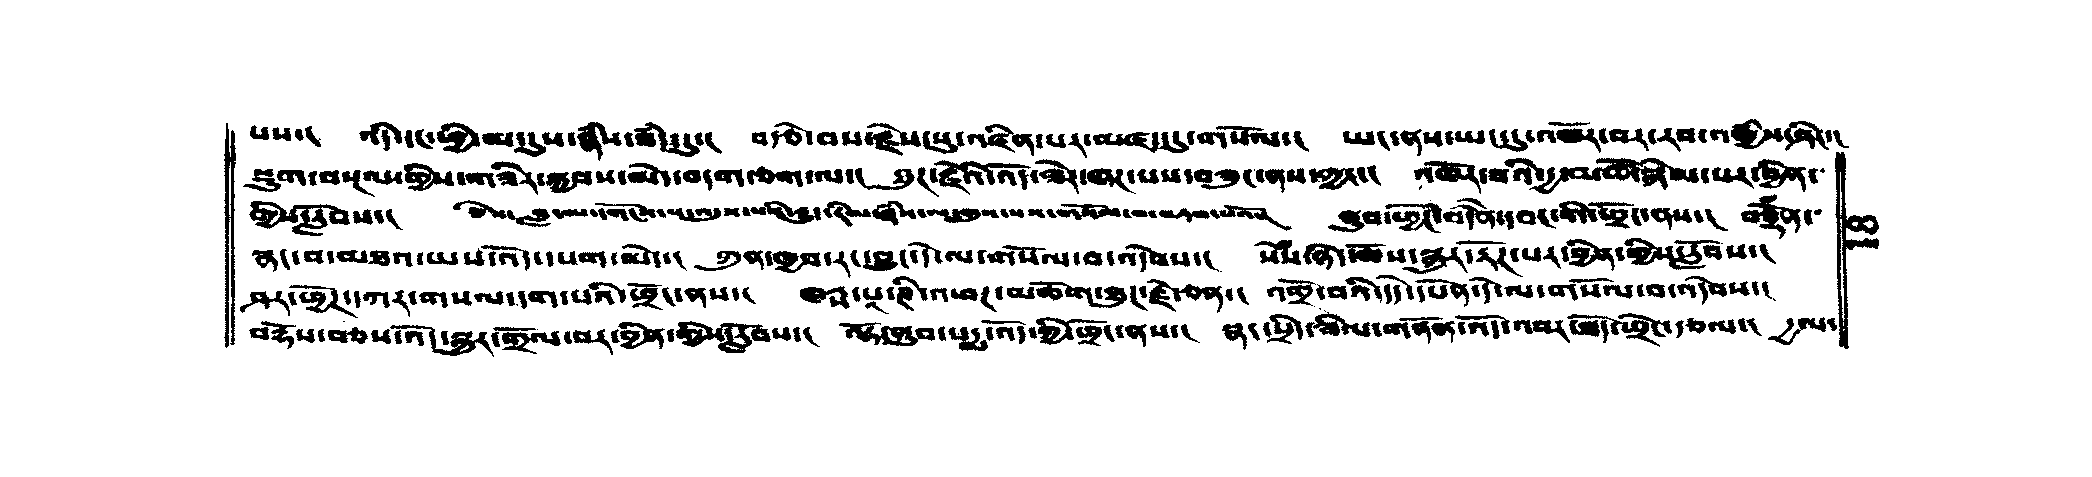པས། །འདི་དང་ཕྱི་མ་དུས་རྣམས་ཐམས་ཅད་དུ། །བརྩེ་བས་རྗེས་སུ་འཛིན་པར་མཛད་དུ་གསོལ། །ཡང་ནས་ཡང་དུ་འཁོར་བར་རབ་འཁྱམས་ཤིང་། །
སྡུག་བསྔལ་གྱིས་གཟིར་སྐྱབས་མེད་བདག་ཅག་ལ། །ཐུགས་རྗེའི་འོད་ཟེར་ཞགས་པས་བཟུང་ནས་ཀྱང་། །འཁོར་བའི་རྒྱ་མཚོ་སྐེམ་པར་བྱིན་
གྱིས་རློབས། ཅེས་བླ་མ་དགོངས་པ་འདུས་པའི་རྒྱུད་རིམ་རྣམས་ལ་གུས་པས་གསོལ་བ་བཏབ་པའོ།།ནུབ་ཕྱོགས་བདེ་ཆེན་དབང་གི་ཕོ་བྲང་ནས། །བཅོམ་ལྡན་
སྣང་བ་མཐའ་ཡས་འོད་དཔག་མེད། །ཀུན་ཁྱབ་རང་བྱུང་དེ་ལ་གསོལ་བ་འདེབས། །སེམས་ཉིད་ཆོས་སྐུར་རྟོགས་པར་བྱིན་གྱིས་རློབས། །
ཤར་ཕྱོགས་དཀར་གསལ་དག་པའི་ཕོ་བྲང་ནས། །ཁརྶ་པཱ་ཎི་འཕགས་མཆོག་ཐུགས་རྗེ་ཅན། །འགྲོ་བའི་དེད་དཔོན་དེ་ལ་གསོལ་བ་འདེབས། །
བརྡོས་བཅས་འོད་སྐུར་གྲོལ་བར་བབྱིན་གྱིས་རློབས། །ལྷོ་ནུབ་པདྨ་འོད་ཀྱི་ཕོ་བྲང་ནས། །སྣང་སྲིད་ཟིལ་གནོན་འོད་འབར་ཐོད་ཕྲེང་རྩལ། །རྒྱལ་